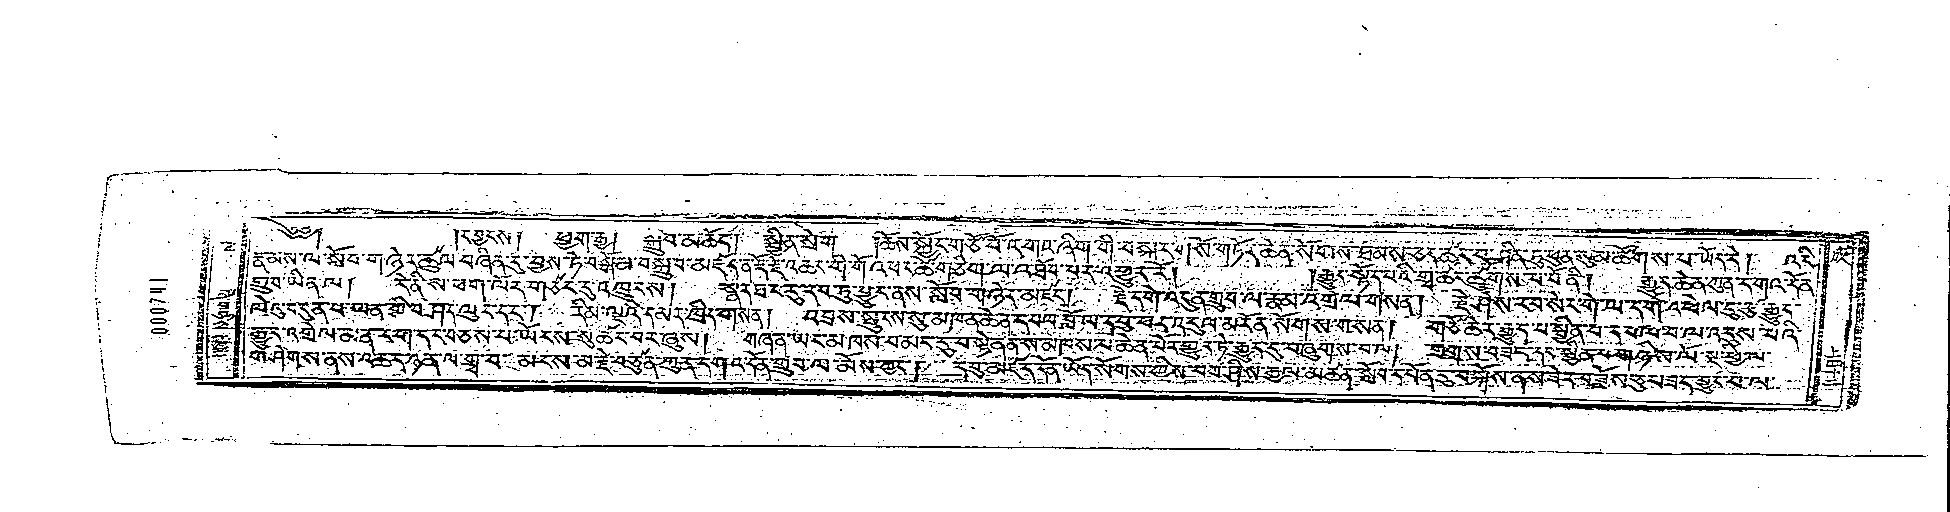༄༅། །དབྱངས། ཕྱག་རྒྱ། སྒྲུབ་མཆོད། སྦྱིན་སྲེག །ཆོས་སྐྱོང་གཙོ་བོ་འགའ་ཞིག་གི་བསྐང་གསོ་གཏོར་ཆེན་སོགས་ཐམས་ཅད་ཚང་བ་ཤིན་ཏུ་ཕུན་སུམ་ཚོགས་པ་ཡོད་དེ། འདི་
རྣམས་ལ་སློབ་གཉེར་ཚུལ་བཞིན་དུ་བྱས་ཏེ་བསྒོམ་བསྒྲུབ་མཛད་ན་རྡོ་རྗེ་འཆང་གི་གོ་འཕང་ཚེ་གཅིག་ལ་འཐོབ་པར་འགྱུར་རོ། །རྒྱུད་སྟོད་པའི་གྲྭ་ཚང་ཚུགས་པ་པོ་ནི། རྒྱུད་ཆེན་ཀུན་དགའ་དོན་
གྲུབ་ཡིན་ལ། དེ་ནི་ས་ཕག་ལོར་གཙང་དུ་འཁྲུངས། སྣར་ཐང་དུ་རབ་ཏུ་བྱུང་ནས་སློབ་གཉེར་མཛད། རྗེ་དགེ་འདུན་གྲུབ་ལ་རྣམ་འགྲེལ་གསན། རྗེ་ཤེས་རབ་སེང་གེ་ལ་དགེ་འཕེལ་དུ་རྩ་རྒྱུད་
ལེའུ་བདུན་པ་ཡན་གྱི་བཤད་ལུང་དང་། རིམ་ལྔའི་དམར་ཁྲིད་གསན། འབྲས་སྤུངས་སུ་མཁན་ཆེན་དཔལ་བློ་ལ་དབུ་ཕར་འདུལ་མངོན་སོགས་གསན། གཙོ་ཆེར་རྒྱུད་པ་སྦྱིན་པ་དཔལ་བ་ལ་འདུས་པའི་
རྒྱུད་འགྲེལ་མན་ངག་དང་བཅས་པ་ཡོངས་སུ་ཚང་བར་ཞུས། གཞན་ཡང་མཁས་པ་མང་དུ་བསྟེན་ནས་མཁས་པ་ཆེན་པོར་གྱུར་ཏེ་རྒྱུད་དུ་བཞུགས་པ་ལ། གྲགས་བཟང་དང་སྦྱིན་པ་གཉིས་ལོ་སྔ་ཕྱི་ལ་
གཤེགས་ནས་འཆད་ཉན་ལ་གྲྭ་པ་མངས་མ་རྗེ་བཙུན་ཀུན་དགའ་དོན་གྲུབ་ལ་མོས་ཀྱང་། དབུ་མཛད་དོན་ཡོད་སོགས་ཀྱིས་བཀྲ་ཤིས་རྒྱལ་མཚན་སློབ་དཔོན་དུ་བསྐོས་ནས་ཟེར་བཟློས་ཅུང་ཟད་བྱུང་བ་ལ་